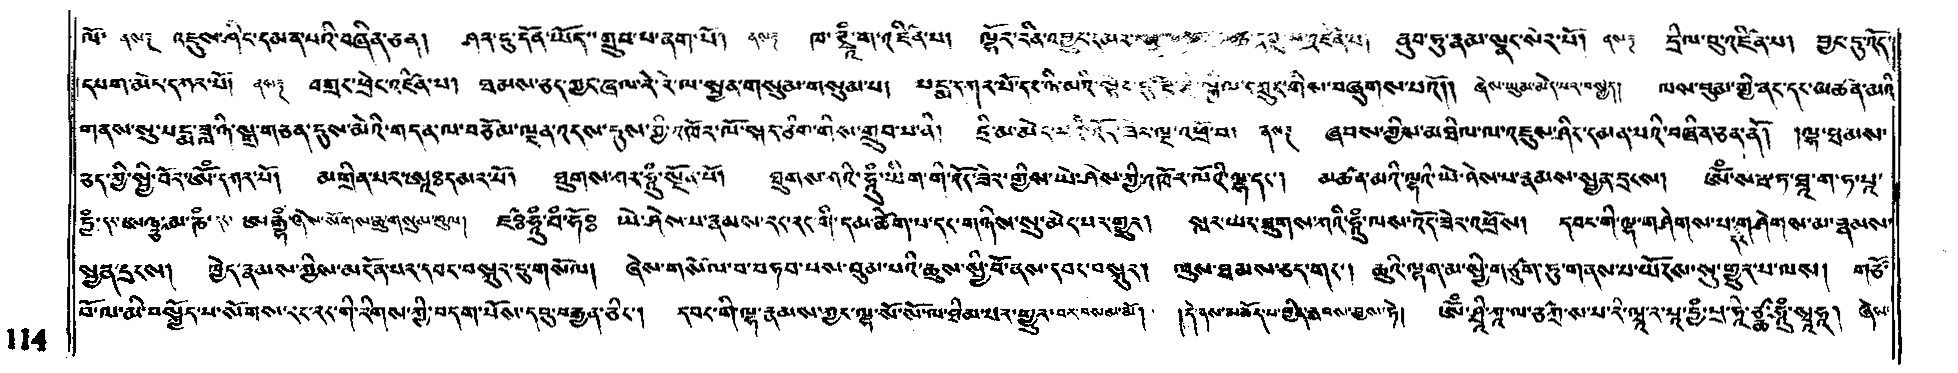ལོ་ནས༑  འཇུས་ཤིང་དམན་པའི་བཞིན་ཅན། ཤར་དུ་དོན་ཡོད་གྲུབ་པ་ནག་པོ། ནས༑  ཁ་ཊྭཱཾ་ག་འཛིན་པ། ལྷོར་རིན་འབྱུང་དམར་?་ཆ་དབུས་འཛིན་པ། ནུབ་ཏུ་རྣམ་སྣང་སེར་པོ། ནས༑  དྲིལ་བུ་འཛིན་པ། བྱང་དུ་འོད་
དཔག་མེད་དཀར་པོ། ནས༑  བགྲང་ཕྲེང་འཛིན་པ། ཐམས་ཅད་ཀྱང་ཞལ་རེ་རེ་ལ་སྤྱན་གསུམ་གསུམ་པ། པདམ་དཀར་པོ་དང་ཉི་མའི་སྟེང་དུ་རྡོ་རྗེ་སྐྱིལ་དཀྲུང་གིས་བཞུགས་པའོ།། ཞེས་ཡུམ་མེད་པར་བསྐྱེད།  ལས་བུམ་གྱི་ནང་དང་མཚན་མའི་
གནས་སུ་པདམ་ཟླ་ཉི་སྒྲ་གདན་དུས་མེའི་གདན་ལ་བཅོམ་ལྡན་འདས་དུས་ཀྱི་འཁོར་ལོ་སྐད་ཅིག་གིས་གྲུབ་པ་ནི། དྲི་མ་མེད་པའི་འོད་ཟེར་ལྔ་འཕྲོ་བ། ནས༑  ཞབས་ཀྱིས་མཐིལ་ལ་འཇུས་ཤིང་དམན་པའི་བཞིན་ཅན་ནོ། །ལྷ་ཐམས་
ཅད་ཀྱི་སྤྱི་བོར་ཨོཾ་དཀར་པོ། མགྲིན་པར་ཨཱཿ དམར་པོ། ཐུགས་ཀར་ཧཱུཾ་སྔོན་པོ། ཐུགས་ཀའི་ཧཱུཾ་ཡིག་གི་འོད་ཟེར་གྱིས་ཡེ་ཤེས་ཀྱི་འཁོར་ལོའི་ལྷ་དང་། མཚན་མའི་ལྷའི་ཡེ་ཤེས་པ་རྣམས་སྤྱན་དྲངས། ཨོཾ་སརྦ་ཏ་ཐཱ་ག་ཏ་པཱ་
དྱཾ་དང་ཨཉྩ་མ་ཎཾ་དང་ཨརྒྷཾ་ཞེས་སོགས་ཆུ་གསུམ་ཕུལ།  ཛཿ ཧཱུཾ་བཾ་ཧོཿ ཡེ་ཤེས་པ་རྣམས་རང་རང་གི་དམ་ཚིག་པ་དང་གཉིས་སུ་མེད་པར་གྱུར། སླར་ཡང་ཐུགས་ཀའི་ཧཱུཾ་ལས་འོད་ཟེར་འཕྲོས། དབང་གི་ལྷ་གཤེགས་པ་དང་གཤེགས་མ་རྣམས་
སྤྱན་དྲངས། ཁྱེད་རྣམས་ཀྱིས་མངོན་པར་དབང་བསྐུར་དུ་གསོལ། ཞེས་གསོལ་བ་བཏབ་པས་བུམ་པའི་ཆུས་སྤྱི་བོ་ནས་དབང་བསྐུར། ལུས་ཐམས་ཅད་གང་། ཆུའི་ལྷག་མ་སྤྱི་གཙུག་ཏུ་གནས་པ་ཡོངས་སུ་གྱུར་པ་ལས། གཙོ་
བོ་ལ་མི་བསྐྱོད་པ་སོགས་རང་རང་གི་རིགས་ཀྱི་བདག་པོས་དབུ་བརྒྱན་ཅིང་། དབང་གི་ལྷ་རྣམས་ཀྱང་ལྷ་སོ་སོ་ལ་ཐིམ་པར་གྱུར་བར་བསམ་མོ། །དེ་ནས་མཆོད་པ་བྱིན་རླབས་བྱས་ཏེ།  ཨོཾ་ཤྲཱི་ཀཱ་ལ་ཙཀྲ་ས་པ་རི་ཝཱ་ར་པཱ་དྱཾ་པྲ་ཏཱི་ཙྪ་ཧཱུཾ་སྭཱཧཱ། ཞེས